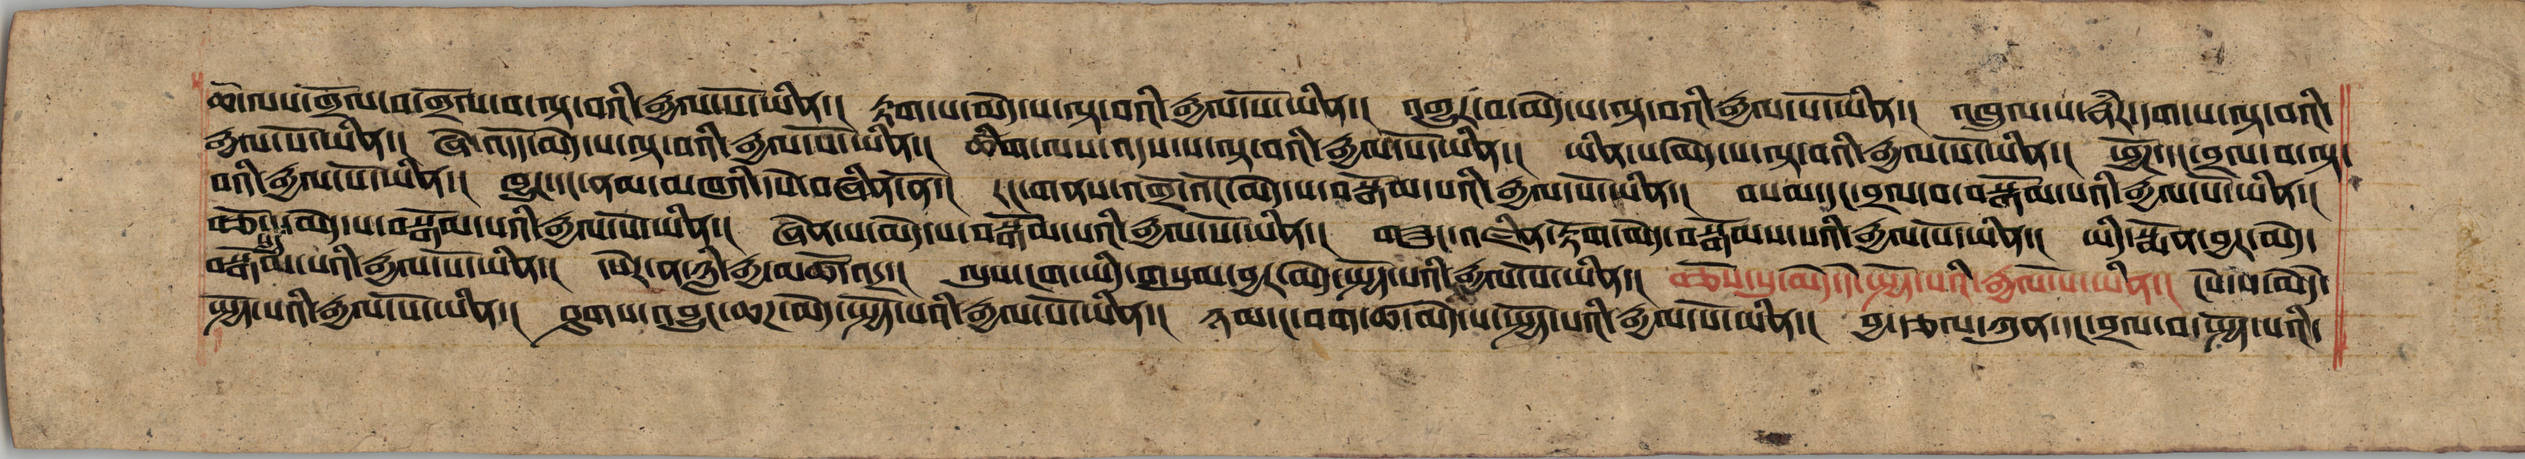ཆོ་ལས་གྲོལ་བ་གྲོལ་བ་ལྟ་བའི་རྒྱལ་པོ་ཡིན་། རྟག་པ་མེད་པ་ལྟ་བའི་རྒྱལ་པོ་ཡིན་། འགྱུར་བ་མེད་པ་ལྟ་བའི་རྒྱལ་པོ་ཡིན་། འཁྲུལ་པ་རྣཾར་དག་པ་ལྟ་བའི་
རྒྱལ་པོ་ཡིན་། ཞེ་འདོད་མེད་པ་ལྟ་བའི་རྒྱལ་བོ་ཡིན་། ཚིག་ལས་འདས་པ་ལྟ་བའི་རྒྱལ་པོ་ཡིན་། ཡིན་པ་མེད་པ་ལྟ་བའི་རྒྱལ་པོ་ཡིན་། ཕྱོཌ་དང་བྲལ་བ་ལྟ་
བའི་རྒྱལ་པོ་ཡིན་། ཁྱུང་དང་ནམ་མཁའི་དཔེ་བཞིན་ནོ་། རང་གནས་འགྲོ་འོང་མེད་པ་བསྒོམ་པའི་རྒྱལ་པོ་ཡིན་། བསམ་དང་བྲལ་བ་བསྒོམ་པའི་རྒྱལ་པོ་ཡིན་།
བཅོས་སུ་མེད་པ་བསྒོམ་པའི་རྒྱལ་པོ་ཡིན་། ཞེན་པ་མེད་པ་བསྒོམ་པའི་རྒྱལ་པོ་ཡིན་། གཟུང་འཛིན་རྟོག་མེད་བསྒོམས་པའི་རྒྱལ་པོ་ཡིན་། ཡིད་སྨོན་བྱར་མེད་
བསྒོམ་པའི་རྒྱལ་པོ་ཡིན་། དཔེར་ན་ཉླི་རྒྱ་མཚོ་འདྲ་། ལུས་ངག་ཡིད་གསུམ་བྱར་མེད་སྤྱོད་པའི་རྒྱལ་པོ་ཡིན་། བཅོས་སུ་མེད་དེ་སྤྱོད་པའི་རྒྱལ་པོ་ཡིན་། ངེས་པ་མེདེ་
སྤྱོད་པའི་རྒྱལ་པོ་ཡིན་། ཤུགས་འབྱུང་ཆཌ་མེད་སྤྱོད་པའི་རྒྱལ་པོ་ཡིན་། ཉམ་ང་བག་ཚ་མེད་པ་སྤྱོད་པའི་རྒྱལ་པོ་ཡིན་། བྱ་རྩལ་ཀུན་དང་བྲལ་བ་སྤྱོད་པའི་